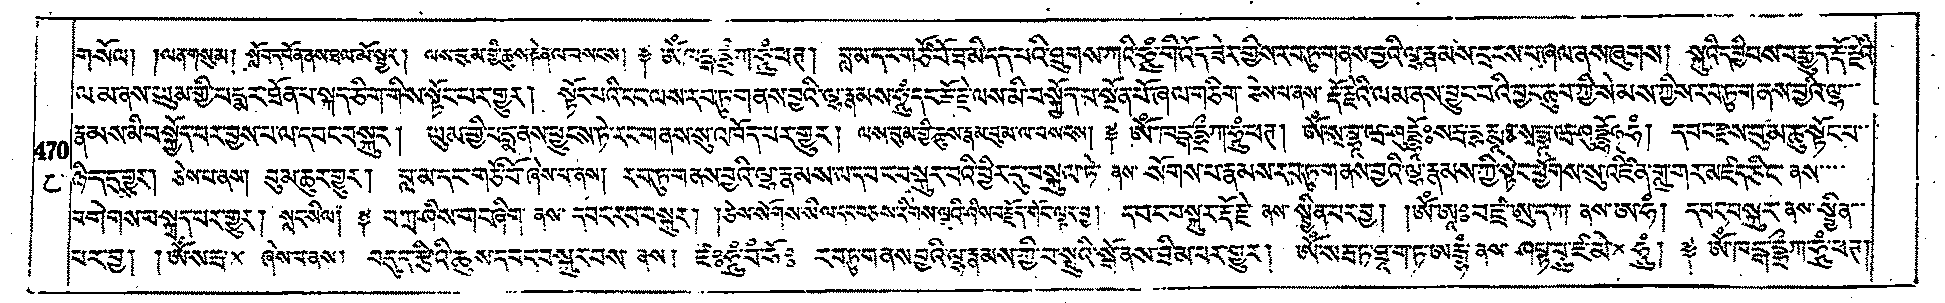གསོལ། །ལན་གསུམ། སློབ་དཔོན་ནས་ཐལ་མོ་སྦྱར། ལས་བུམ་གྱི་ཆུས་རྟེན་ལ་བསངས།  འ་ཨོཾ་ཁངྒ་དྷྲཾ་ཀ་ཧཱུཾ་ཕཊ། བླ་མ་དང་གཙོ་བོ་ཐ་མི་དད་པའི་ཐུགས་ཀའི་ཧཱུཾ་གི་འོད་ཟེར་གྱིས་རབ་ཏུ་གནས་བྱའི་ལྷ་རྣམས་དྲངས་པ་ཞལ་ནས་ཞུགས། སྐུའི་དབྱིབས་བརྒྱུད་རྡོ་རྗེའི་
ལམ་ནས་ཡུམ་གྱི་པདམར་ཐོན་པ་སྐད་ཅིག་གིས་སྟོང་པར་གྱུར། སྟོང་པའི་ངང་ལས་རབ་ཏུ་གནས་བྱའི་ལྷ་རྣམས་ཧཱུཾ་དང་རྡོ་རྗེ་ལས་མི་བསྐྱོད་པ་སྔོན་པོ་ཞལ་གཅིག་ཅེས་པ་ནས་རྡོ་རྗེའི་ལམ་ནས་བྱུང་བའི་བྱང་ཆུབ་ཀྱི་སེམས་ཀྱིས་རབ་ཏུ་གནས་བྱའི་ལྷ་
རྣམས་མི་བསྐྱོད་པར་བྱས་པ་ལ་དབང་བསྐུར། ཡུམ་གྱི་པདམ་ནས་ཕྱུངས་ཏེ་རང་གནས་སུ་འཁོད་པར་གྱུར། ལས་བུམ་གྱི་ཆུས་རྣམ་བུམ་ལ་བསངས།  འ་ཨོཾ་ཁངྒ་དྷྲྀ་ཀ་ཧཱུཾ་ཕཊ། ཨོཾ་སྭ་བྷཱ་ཝ་ཤུདྡྷOHསརྦ་དྷརྨཱཿསྭ་བྷཱ་ཝ་ཤུདྡྷོཉཧཾ། དབང་རྫས་བུམ་ཆུ་སྟོང་པ་
ཉིད་དུ་གྱུར། ཅེས་པ་ནས།  བུམ་ཆུར་གྱུར། བླ་མ་དང་གཙོ་བོ་ཞེས་པ་ནས།  རབ་ཏུ་གནས་བྱའི་ལྷ་རྣམས་ལ་དབང་བསྐུར་བའི་ཕྱིར་དུ་བསྐུལ་ཏེ་ནས་སོགས་པ་རྣམས་རབ་ཏུ་གནས་བྱའི་ལྷ་རྣམས་ཀྱི་སྟེང་ཕྱོགས་སུ་འཛིན་གླུ་གར་མཛད་ཅིང་ནས
བགེགས་བསྐྲད་པར་གྱུར། སླང་སིལ།  འ་བཀྲ་ཤིས་གང་ཞིག་ནས་དབང་རབ་བསྐུར། །ཅེས་སོགས་སིལ་དང་བཅས་རིགས་ལྔའི་ཤིས་བརྗོད་གོང་ལྟར་བྱ།  དབང་བསྐུར་རྡོ་རྗེ་ནས་སྦྱིན་པར་བྱ། །ཨོཾ་ཨཱཿབཛྲ་ཨུ་ད་ཀ་ནས་ཨ་ཧཾ། དབང་བསྐུར་ནས་སྦྱིན་
པར་བྱ། །ཨོཾ་སརྦ་྾་ཞེས་པ་ནས།  བདུད་རྩིའི་ཆུས་དབང་བསྐུར་བས་ནས།  ཛཿཧཱུཾ་བཾ་ཧོཿ རབ་ཏུ་གནས་བྱའི་ལྷ་རྣམས་ཀྱི་བ་སྤུའི་སྒོ་ནས་ཐིམ་པར་གྱུར། ཨོཾ་སརྦ་ཏ་ཐཱ་ག་ཏ་ཨརྒྷཾ་ནས་ཤཔྟ་པཱུ་ཛ་མེ་྾་ཧཱུཾ། འ་ཨོཾ་ཁངྒ་དྷྲྀ་ཀ་ཧཱུཾ་ཕཊ།